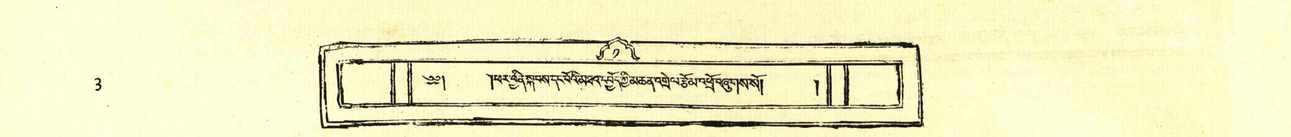༄༅། །ཕར་ཕྱིན་སྐབས་དང་པོའི་མཐའ་དཔྱོད་ཀྱི་མཆན་འགྲེལ་རྩོམ་འཕྲོ་བཞུགས་སོ། །